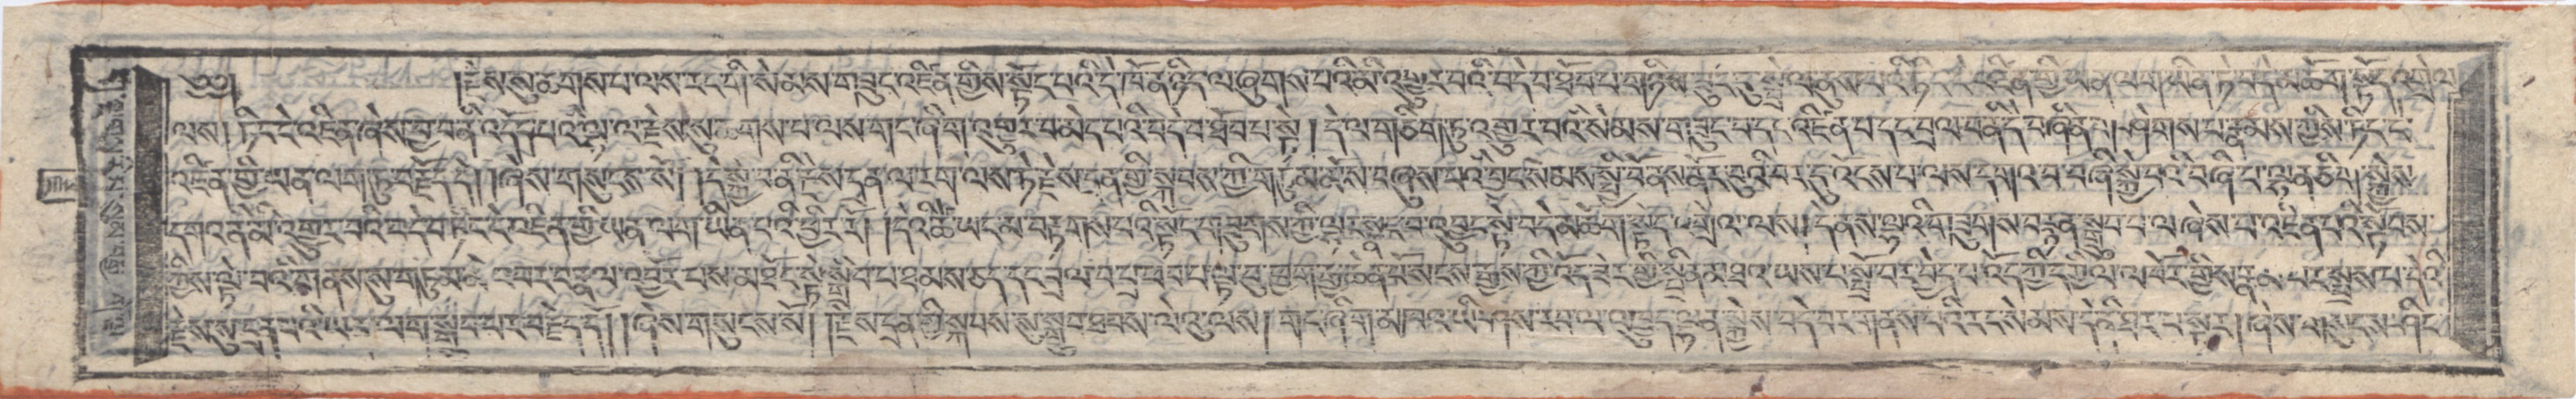༄༅། །རྗེས་སུ་ཆགས་པ་ལས་རང་གི་སེམས་གཟུང་འཛིན་གྱིས་སྟོང་པའི་དེ་ཁོ་ན་ཉིད་ལ་ཞུགས་པའི་མི་འགྱུར་བའི་བདེ་བ་ཐོབ་པ་གཉིས་ཟུང་དུ་སྦྲེལ་ནུས་པའི་ཏིང་ངེ་འཛིན་གྱི་ཡན་ལག་ཡིན་ཏེ་བདེ་མཆོག་སྟོད་འགྲེལ་
ལས། ཏིང་ངེ་འཛིན་ཞེས་བྱ་བ་ནི་འདོད་པའི་ལྷ་ལ་རྗེས་སུ་ཆགས་པ་ལས་གང་ཞིག་འགྱུར་བ་མེད་པའི་བདེ་བ་ཐོབ་པ་སྟེ། དེ་ལ་གཅིག་ཏུ་འགྱུར་བའི་སེམས་གཟུང་བ་དང་འཛིན་པ་དང་བྲལ་བ་ནི་དེ་བཞིན་གཤེགས་པ་རྣམས་ཀྱིས་ཏིང་ངེ་
འཛིན་གྱི་ཡན་ལག་ཏུ་བརྗོད་དོ། །ཞེས་གསུངས་སོ། །དེ་སྐྱེ་བ་ནི་རྗེས་དྲན་ལ་རག་ལས་ཏེ་རྗེས་དྲན་གྱི་སྐབས་ཀྱི་གཏུམ་མོས་བཞུས་པའི་བྱང་སེམས་སྤྱི་བོ་ནས་ནོར་བུའི་བར་དུ་འོངས་པ་ལས་དགའ་བ་བཞི་སྐྱེ་བའི་བཞི་པ་ལྷན་ཅིག་སྐྱེས་
དགའ་ནི་མི་འགྱུར་བའི་བདེ་བ་ཏིང་ངེ་འཛིན་གྱི་ཡན་ལག་ཡིན་པའི་ཕྱིར་རོ། །དེའི་ཚེ་ཡང་མ་བརྟགས་པའི་སྟོང་གཟུགས་ཀྱི་ལྷར་སྣང་བ་འབྱུང་སྟེ་བདེ་མཆོག་སྟོད་འགྲེལ་ལས། དེ་ནས་ལྷའི་གཟུགས་བརྙན་སྒྲུབ་པ་ལ་ཞེས་པ་འཛིན་པའི་སྟོབས་
ཀྱིས་ལྟེ་བའི་གནས་སུ་གཏུམ་མོ་འབར་བ་རྣལ་འབྱོར་པས་མཐོང་སྟེ་སྒྲིབ་པ་ཐམས་ཅད་དང་བྲལ་བ་པྲ་ཕབ་པ་ལྟ་བུ་ཕྱག་རྒྱ་ཆེན་པོ་སངས་རྒྱས་ཀྱི་འོད་ཟེར་གྱི་སྤྲིན་མཐའ་ཡས་པ་སྤྲོ་བར་བྱེད་པ་འོད་ཀྱི་དཀྱིལ་འཁོར་གྱིས་རྣམ་པར་སྤྲས་པ་དེའི་
རྗེས་སུ་དྲན་པའི་ཡན་ལག་སྒྲུབ་པར་བརྗོད་དོ། །ཞེས་གསུངས་སོ། །རྗེས་དྲན་གྱི་སྐབས་སུ་སྒྲུབ་ཐབས་ལེའུ་ལས། གང་ཞིག་མཁའ་ཡི་ཤེས་རབ་ལ་འཁྱུད་ལྷན་སྐྱེས་བདེ་བར་གནས་པའི་རང་སེམས་དེ་ནི་ཐར་པ་སྟེར། ཞེས་གསུངས་ཤིང་